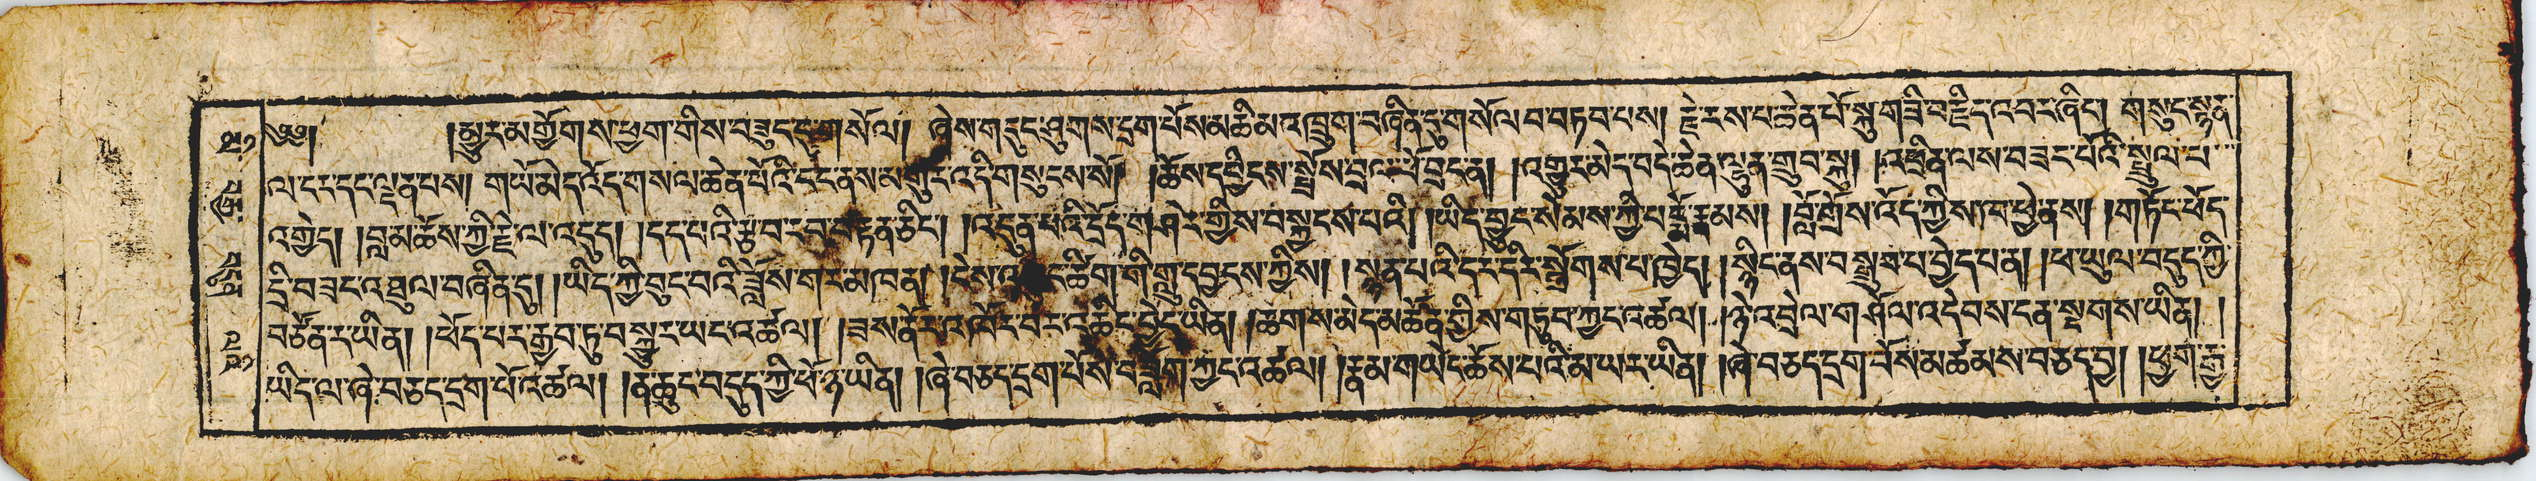མྱུར་མགྱོགས་ཕྱག་གིས་བཟུང་དུ་གསོལ། ཞེས་གཟུང་ཤུགས་དྲག་པོས་མཆི་མ་འཁྲུག་བཞིན་དུ་གསོལ་བ་བཏབ་པས། རྗེ་རས་པ་ཆེན་པོ་སྐུ་གཟི་བརྗིད་འབར་ཞིང་། གསུང་སྙན་
ལ་ངར་དང་ལྡན་པས། གཡོ་མེད་འོད་གསལ་ཆེན་པོའི་ངང་ནས་མགུར་འདི་གསུངས་སོ། །ཆོས་དབྱིངས་སྤྲོས་བྲལ་་ཕོ་བྲང་ན། །འགྱུར་མེད་བདེ་ཆེན་ལྷུན་གྲུབ་སྐུ། །འཕྲིན་ལས་བཟང་པོའི་སྤྲུལ་པ་
འགྱེད། །བླ་མ་ཆོས་ཀྱི་རྗེ་ལ་འདུད། །དད་པའི་རྩ་བ་རབ་བརྟན་ཅིང་། །འདུན་པའི་དྲོད་གཤེར་གྱིས་བསྐྱངས་པའི། །ཡིད་བྱང་སེམས་ཀྱི་པདྨོ་རྣམས། །བློ་གྲོས་འོད་ཀྱིས་ཁ་ཕྱེ་ནས། །གཏོང་ཕོད་
དྲི་བཟང་འཐུལ་བཞིན་དུ། །ཡིད་ཀྱི་བུང་བའི་ཟློས་གར་མཁན། །ངེས་འབྱུང་ཚིག་གི་གླུ་དབྱངས་ཀྱིས། །སྙན་པའི་དར་དིར་སྒྲོགས་པ་ཁྱེད། །སྙིང་ནས་བསྒྲུབ་པ་བྱེད་པ་ན། །ཕ་ཡུལ་བདུད་ཀྱི་
བཙོན་ར་ཡིན། །ཕོད་པར་རྒྱབ་ཏུ་བསྐྱུར་ཡང་འཚལ། །ཟས་ནོར་འཁོར་བར་འཆིང་བྱེད་ཡིན། །ཆགས་མེད་མཚོན་གྱིས་གཏུབ་ཀྱང་འཚལ། །ཉེ་འབྲེལ་གཤོལ་འདེབས་ངན་སྔགས་ཡིན། །
ཡིད་ལ་ཞེ་བཅད་དྲག་པོ་འཚལ། །ན་ཆུང་བདུད་ཀྱི་ཕོ་ཉ་ཡིན། །ཞེ་བཅད་དྲག་པོས་བཟློག་ཀྱང་འཚལ། །རྣམ་གཡེང་ཆོས་པའི་མ་ཡར་ཡིན། །ཞེ་བཅད་དྲག་བོས་མཚམས་བཅད་བྱ། །ཕྱག་རྒྱ་